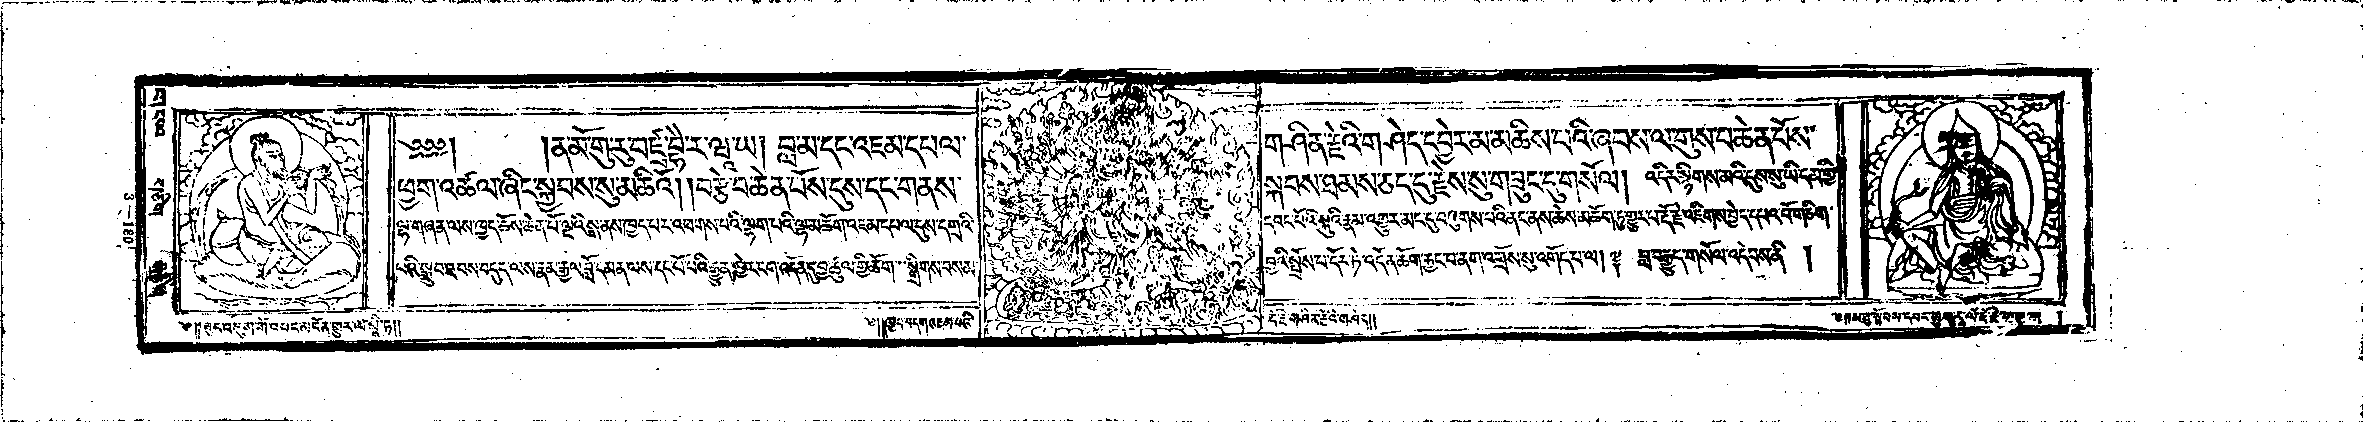]
ཕྱག་འཚལ་ཞིང་སྐྱབས་སུ་མཆིའོ། །བརྩེ་བ་ཆེན་པོས་དུས་དང་གནས་སྐབས་ཐམས་ཅད་དུ་རྗེས་སུ་གཟུང་དུ་གསོལ། འདིར་སྙིགས་མའི་དུས་སུ་ཡི་དམ་གྱི་
ལྷ་གཞན་ལས་ཁྱད་ཆོས་ཆེན་པོ་ལྔའི་སྒོ་ནས་ཁྱད་པར་འཐགས་པའི་ལྷག་པའི་ལྷ་མཆོག་འཇམ་དཔལ་དུས་དགྲའི་དབང་པོའི་སྐུའི་རྣམ་འགྱུར་མང་དུ་བཞུགས་པའི་ནང་ནས་ཆེས་མཆོག་ཏུ་གྱུར་པ་རྡོ་རྗེ་འཇིགས་བྱེད་དཔའ་བོ་གཅིག་
པའི་སྒྲུབ་ཐབས་བདུད་ལས་རྣམ་རྒྱལ་བློ་དམན་ལས་དང་པོ་པའི་རྒྱུན་ཕྱེར་ངག་འདོན་དུ་བྱ་ཚུལ་གྱི་ཆོ་ག་སྒྲིགས་བསམ་བྱའི་སྤྲོས་པ་དོར་ཏེ་འདོན་ཆོག་རྐྱང་པ་ནག་འགྲོས་སུ་འགོད་པ་ལ། ༈ བླ་བརྒྱུད་གསོལ་འདེབས་ནི་།